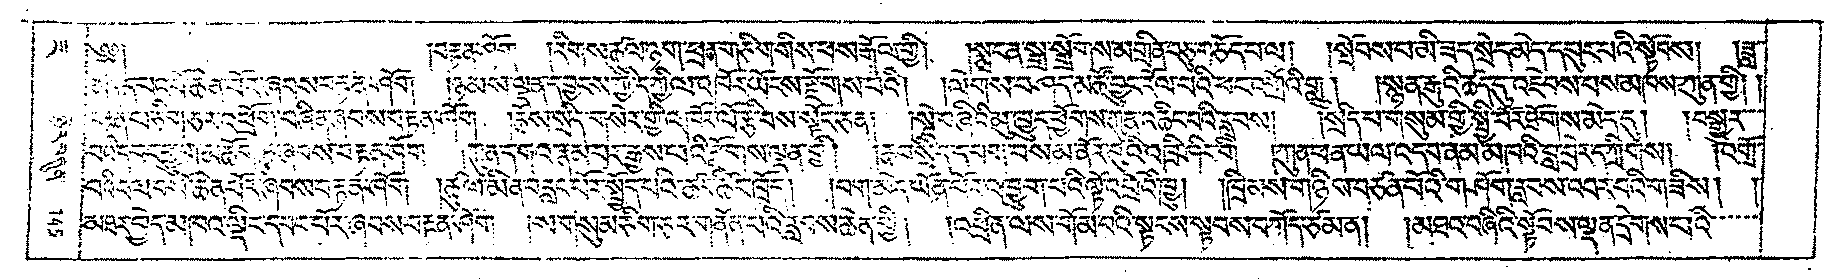༄༅། །བརྟན་ཤོག །རིགས་ཚུལ་ཉག་ཕྲན་གཅིག་གིས་ཕས་རྒོལ་གྱི། །སྨྲ་ངན་སྒྲ་སྒྲོགས་མགྲིན་བཅུ་གཅོད་པ་ལ། །སྤོབས་པ་མི་ཟད་སྲེད་མེད་དཔུང་པའི་སྟོབས། །ཟླ་
མེད་དཔའ་བོ་ཆེན་པོར་ཞབས་བརྟན་ཤོག །ཉམས་ལྡན་དབྱངས་ཀྱི་དཀྱིལ་འཁོར་ཡོངས་རྫོགས་པའི། །ལེགས་བཤད་མཚོ་བྱུང་རོལ་པའི་ཕང་འགྲོའི་གླུ། །སྙན་རྒུའི་ཚད་དུ་འཇེབས་པས་མཁས་ཀུན་གྱི། །
བརྟན་པ་ཅིག་ཅར་འཕྲོག་བཞིན་ཞབས་བརྟན་ཤོག །ཆོས་སྲིད་གསེར་གྱི་འཁོར་ལོ་རྩིབས་སྟོང་ཅན། །སྡེ་བཞིའི་མུ་ཁྱུད་ཕྱོགས་ཀུན་འཆིང་བའི་རླབས། །སྲིད་པ་གསུམ་གྱི་སྤྱི་བོར་ཐོགས་མེད་དུ། །བསྒྱུར་
བའི་དབང་ཕྱུག་མཆོག་ཏུ་ཞབས་བརྟན་ཤོག །ཀུན་དགའ་རྣམ་པར་རྒྱས་པའི་རྫོགས་ལྡན་གྱི། །ཆབ་སྲིད་དཔག་བསམ་ནོར་བུའི་འཁྲི་ཤིང་གི །ཀུན་ཕན་ཡལ་འདབ་ནམ་མཁའི་བླ་བྲེར་དཀྲིགས། །འགྲོ་
བའི་ངལ་བསོ་ཆེན་པོར་ཞབས་བརྟན་ཤོག །ཚུལ་མིན་བརླང་པོར་སྤྱོད་པའི་ཚང་ཚིང་ཁྲོད། །བག་མེད་ཡོན་པོར་འཁྱུག་པའི་ལྟོ་འགྲོའི་ཁྱུ། །ཁྲིམས་གཉིས་བཙན་པོའི་གཤོག་རླབས་འབར་བའི་གཟིས། །
མཐར་བྱེད་མཁའ་ལྡིང་དབང་པོར་ཞབས་བརྟན་ཤོག །ས་གསུམ་ཅིག་ཅར་གནོན་པའི་རླབས་ཆེན་གྱི། །འཕྲིན་ལས་གོམ་པའི་སྟངས་སྟབས་བཀོད་ཙམ་ན། །མཐའ་བཞིའི་སྟོབས་ལྡན་དྲེགས་པའི་